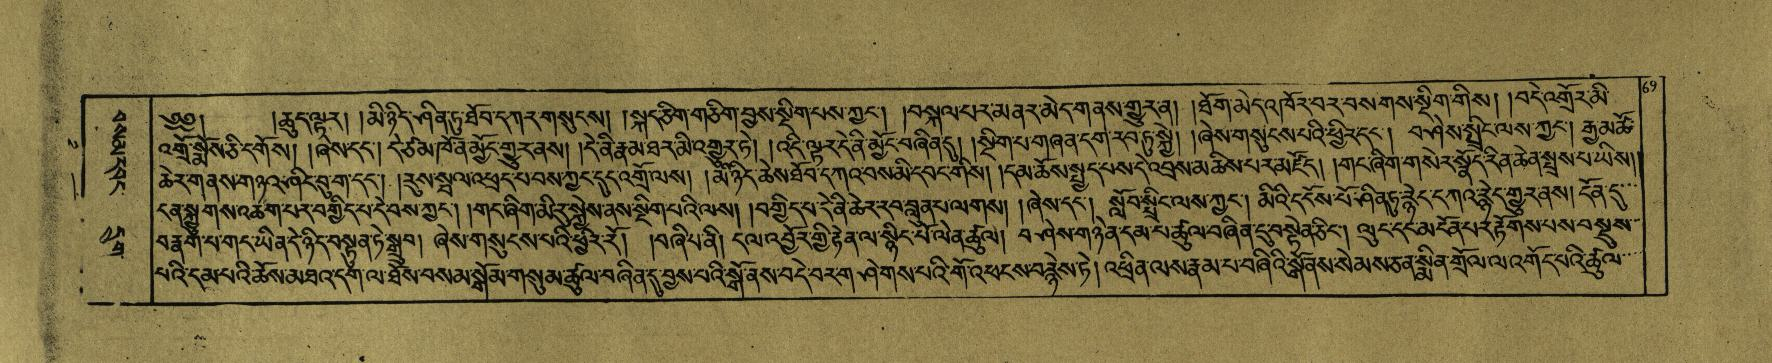༄༅། །ཆུད་ལྟར། །མི་ཉིད་ཤིན་ཏུ་ཐོབ་དཀར་གསུངས། །སྐད་ཅིག་གཅིག་བྱས་སྡིག་པས་ཀྱང་། །བསྐལ་བར་མནར་མེད་གནས་གྱུར་ན། །ཐོག་མེད་འཁོར་བར་བསགས་སྡིག་གིས། །བདེ་འགྲོར་མི་
འགྲོ་སྨོས་ཅི་དགོས། །ཞེས་དང་། དེ་ཙམ་ཁོ་ན་མྱོང་གྱུར་ནས། །དེ་ནི་རྣམ་ཐར་མི་འགྱུར་ཏེ། །འདི་ལྟར་དེ་ནི་མྱོང་བཞིན་དུ། །སྡིག་པ་གཞན་དག་རབ་ཏུ་སྐྱེ། །ཞེས་གསུངས་པའི་ཕྱིར་དང་། བཤེས་སྦྲིང་ལས་ཀྱང་། རྒྱ་མཚོ་
ཆེར་གནས་གཉའ་ཤིང་བུ་ག་དང་། །རུས་སྤལ་འཕྲད་པ་བས་ཀྱང་དུད་འགྲོ་ལས། །མི་ཉིད་ཆེས་ཐོབ་དཀའ་བས་མི་དབང་གིས། །དམ་ཆོས་སྤྱད་པས་དེ་འབྲས་མཆིས་པར་མཛོད། །གང་ཞིག་གསེར་སྣོད་རིན་ཆེན་སྤྲས་པ་ཡིས།།
ངན་སྐྱུགས་འཆག་པར་བགྱིད་པ་དེ་བས་ཀྱང་། །གང་ཞིག་མི་རུ་སྐྱེས་ནས་སྡིག་པའི་ལས། །བགྱིད་པ་དེ་ནི་ཆེར་རབ་བླུན་པ་ལགས། །ཞེས་དང་། སློབ་སྤྲིང་ལས་ཀྱང་། མིའི་དངོས་པོ་ཤིན་ཏུ་རྙེད་དཀའ་རྙེད་གྱུར་ནས། དོན་དུ་
བརྣག་པ་གང་ཡིན་དེ་ཉིད་བསྟུན་ཏེ་སྒྲུབ། ཞེས་གསུངས་པའི་ཕྱིར་རོ། །བཞི་པ་ནི། ངལ་འབྱོར་གྱི་རྟེན་ལ་སྙིང་པོ་ལེན་ཚུལ། བཤེས་གཉེན་དམ་པ་ཚུལ་བཞིན་དུ་བསྟེན་ཅིང་། ལུང་དང་མངོན་པར་རྟོགས་པས་བསྡུས་
པའི་དམ་པའི་ཆོས་མཐའ་དག་ལ་ཐོས་བསམ་སྒོམ་གསུམ་ཚུལ་བཞིན་དུ་བྱས་པའི་སྒོ་ནས་བདེ་བར་གཤེགས་པའི་གོ་འཕངས་བརྙེས་ཏེ། འཕྲིན་ལས་རྣམ་པ་བཞིའི་སྒོ་ནས་སེམས་ཅན་སྨིན་གྲོལ་ལ་འགོད་པའི་ཚུལ་